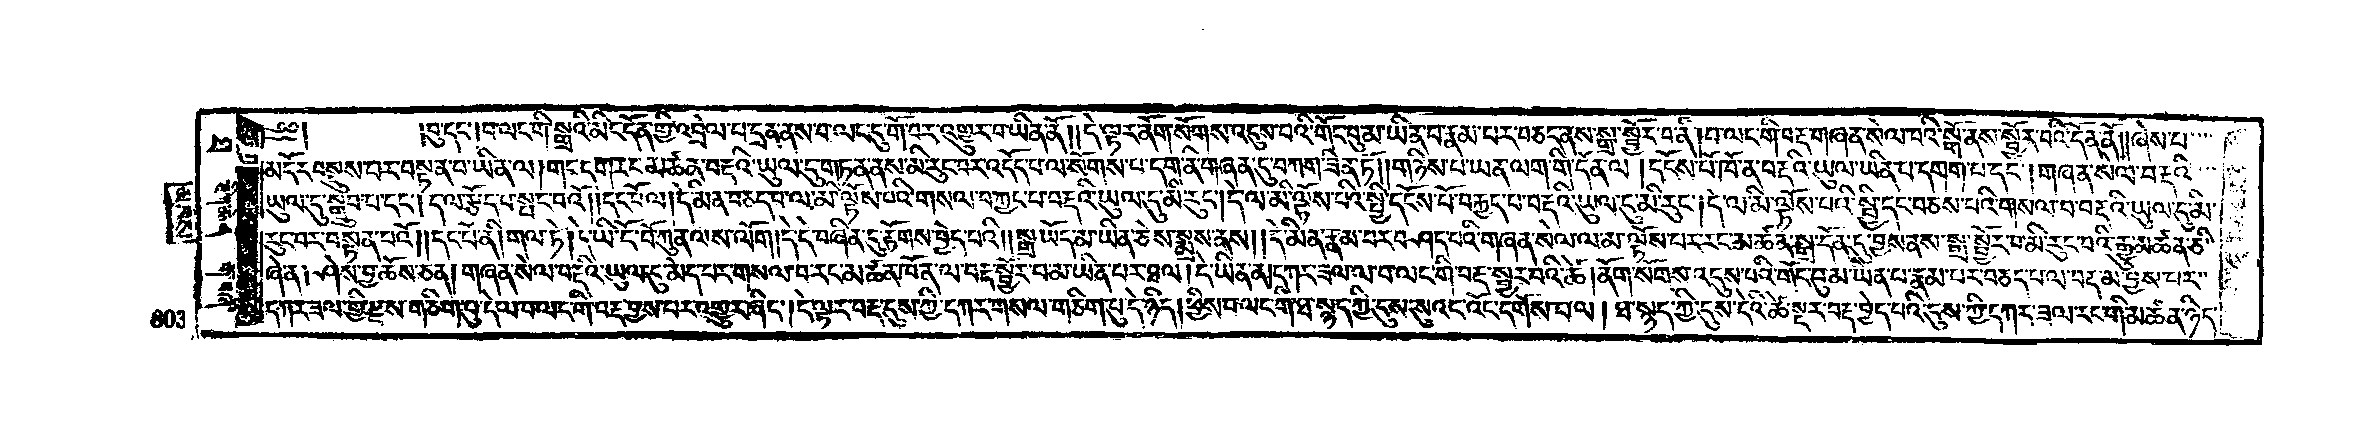༄༅། །བུ་དང་། བ་ལང་གི་སྒྲའི་མིང་དོན་གྱི་འབྲེལ་བ་དྲན་ནས་བ་ལང་དུ་གོ་བར་འགྱུར་བ་ཡིན་ནོ། །དེ་ལྟར་ནོག་སོགས་འདུས་པའི་གོང་བུ་མ་ཡིན་པ་རྣམ་པར་བཅད་ནས་སྒྲ་སྦྱོར་བ་ནི། བ་ལང་གི་བརྡ་གཞན་སེལ་བའི་སྒོ་ནས་སྦྱོར་བའི་དོན་ནོ། །ཞེས་པ་
མདོར་བསྡུས་པར་བསྟན་པ་ཡིན་ལ། གང་དག་རང་མཚན་བརྡའི་ཡུལ་དུ་གཏན་ནས་མི་རུང་བར་འདོད་པ་ལ་སོགས་པ་དག་ནི་གཞན་དུ་བཀག་ཟིན་ཏོ། །གཉིས་པ་ཡན་ལག་གི་དོན་ལ། དངོས་པོ་ཁོ་ན་བརྡའི་ཡུལ་ཡིན་པ་དགག་པ་དང་། གཞན་སེལ་བརྡའི་
ཡུལ་དུ་སྒྲུབ་པ་དང་། དེ་ལ་རྩོད་པ་སྤང་བའོ། །དང་པོ་ལ། དེ་མིན་བཅད་པ་ལ་མི་ལྟོས་པའི་གསལ་བཀྱང་པ་བརྡའི་ཡུལ་དུ་མི་རུང་། དེ་ལ་མི་ལྟོས་པའི་སྤྱི་དངོས་པོ་བརྐྱང་པ་བརྡའི་ཡུལ་དུ་མི་རུང་། དེ་ལ་མི་ལྟོས་པའི་སྤྱི་དང་བཅས་པའི་གསལ་བ་བརྡའི་ཡུལ་དུ་མི་
རུང་བར་བསྟན་པའོ། །དང་པོ་ནི། གལ་ཏེ། དེ་ཡི་ངོ་བོ་ཀུན་ལས་ལོག། །དེ་དེ་བཞིན་དུ་རྟོགས་བྱེད་པའི། །སྒྲ་ཡོད་མ་ཡིན་ཅེས་སྨྲས་ནས། །དེ་མིན་རྣམ་པར་བཤད་པའི་གཞན་སེལ་ལ་མ་ལྟོས་པར་རང་མཚན་སྒྲ་དོན་དུ་བྱས་ནས་སྒྲ་སྦྱོར་བ་མི་རུང་བའི་རྒྱུ་མཚན་ཅི་
ཞེ་ན། ཤེས་བྱ་ཆོས་ཅན། གཞན་སེལ་བརྡའི་ཡུལ་དུ་མེད་པར་གསལ་བ་རང་མཚན་ཁོ་ན་ལ་བརྡ་སྦྱོར་བ་མ་ཡིན་པར་ཐལ། དེ་ཡིན་ན། དཀར་ཟལ་ལ་བ་ལང་གི་བརྡ་སྦྱར་བའི་ཚེ། ནོག་སོགས་འདུས་པའི་གོང་བུ་མ་ཡིན་པ་རྣམ་པར་བཅད་པ་ལ་བརྡ་མ་བྱས་པར་
དཀར་ཟལ་གྱི་རྫས་གཅིག་བུ་དེ་ལ་བ་ལང་གི་བརྡ་བྱས་པར་འགྱུར་ཞིང་། དེ་ལྟར་བརྡ་དུས་ཀྱི་དཀར་གསལ་གཅིག་བུ་དེ་ཉིད། ཕྱིས་བ་ལང་གི་ཐ་སྙད་ཀྱི་དུས་སུའང་འོང་དགོས་པ་ལ། ཐ་སྙད་ཀྱི་དུས་དེའི་ཚེ་སྔར་བརྡ་བྱེད་པའི་དུས་ཀྱི་དཀར་ཟལ་རང་གི་མཚན་ཉིད་